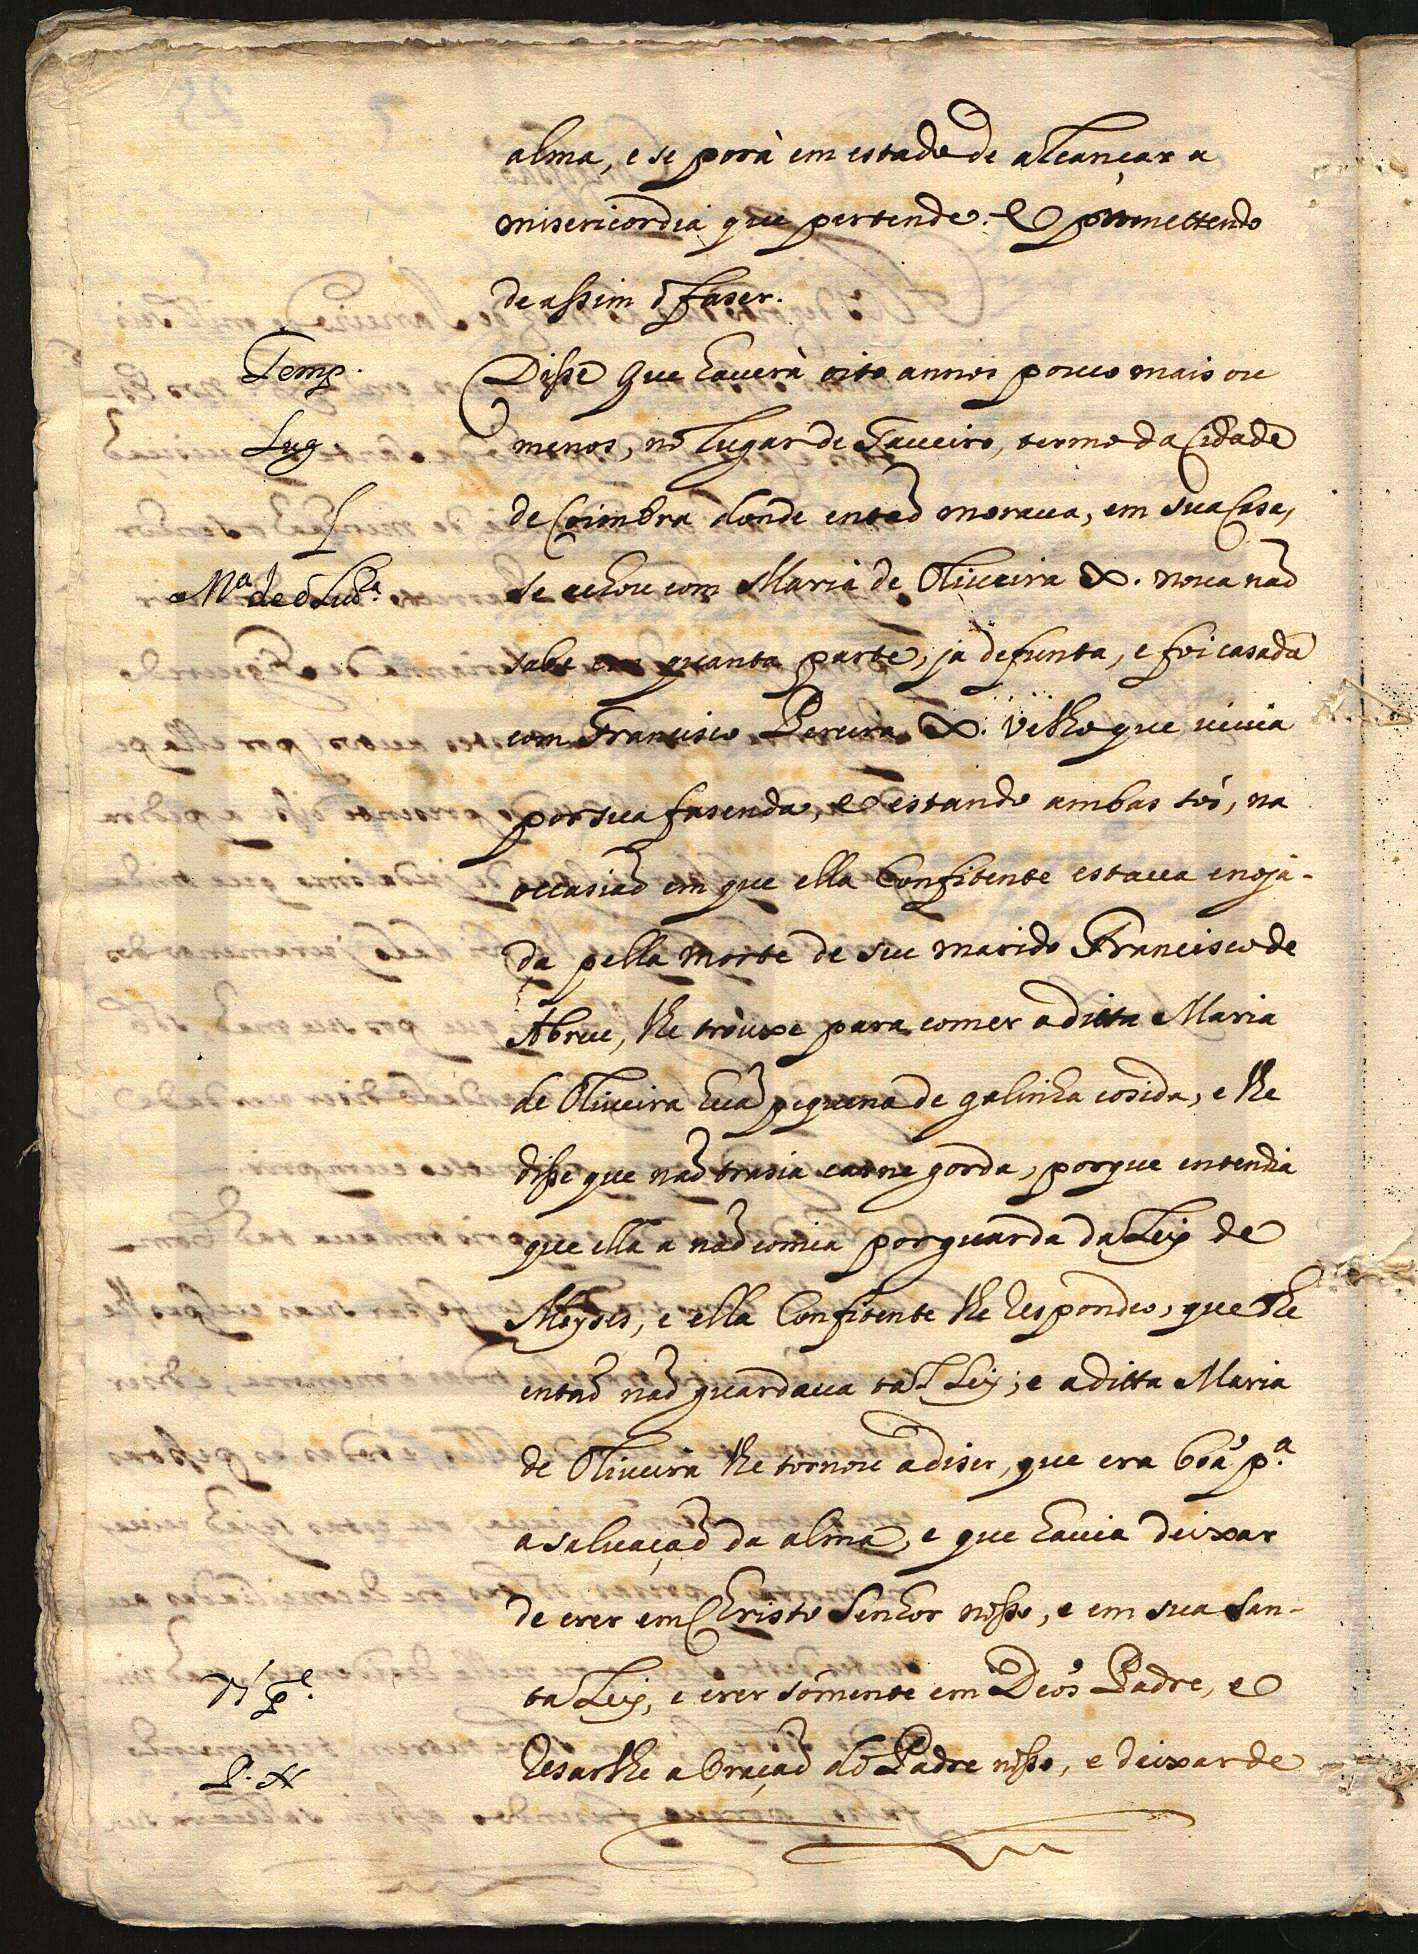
alma, e se porà em estado de alcançar a
misericordia que pertende e promettendo
de assim o fazer.
Disse que haverà oito annos pouco mais ou
menos, no lugar de Taveiro, termo da Cidade
de Coimbra donde entaõ morava, em sua Casa
se achou com Maria de Oliveira x. nova naõ
sabe em quanta parte, já defunta, e foi casada
com Francisco Pereira x. velho que vivia
por sua fasenda, e estando ambas sós, na
occasiaõ em que ella confitente estava enoja
da pella morte de seu marido Francisco de
Abreu, lhe trouxe para comer a dieta Maria
de Oliveira hūa pequena de galinha cosida, e lhe
disse que naõ trasia carne gorda, porque entendia
que ella a naõ comia por guarda da Lei de
Moyses, e ella Confitente lhe respondeo, que lhe
entaõ naõ guardava tal Ley; e a ditta Maria
de Oliveira lhe tornou a diser, que era boa p.a
a salvaçaõ da alma, e que havia deixar
de crer em Christo Senhor nosso, e em sua San
ta Lei, e crer sōmente em Deos Padre, e
Resar lhe a Oraçaõ do Padre nosso e deixar de
